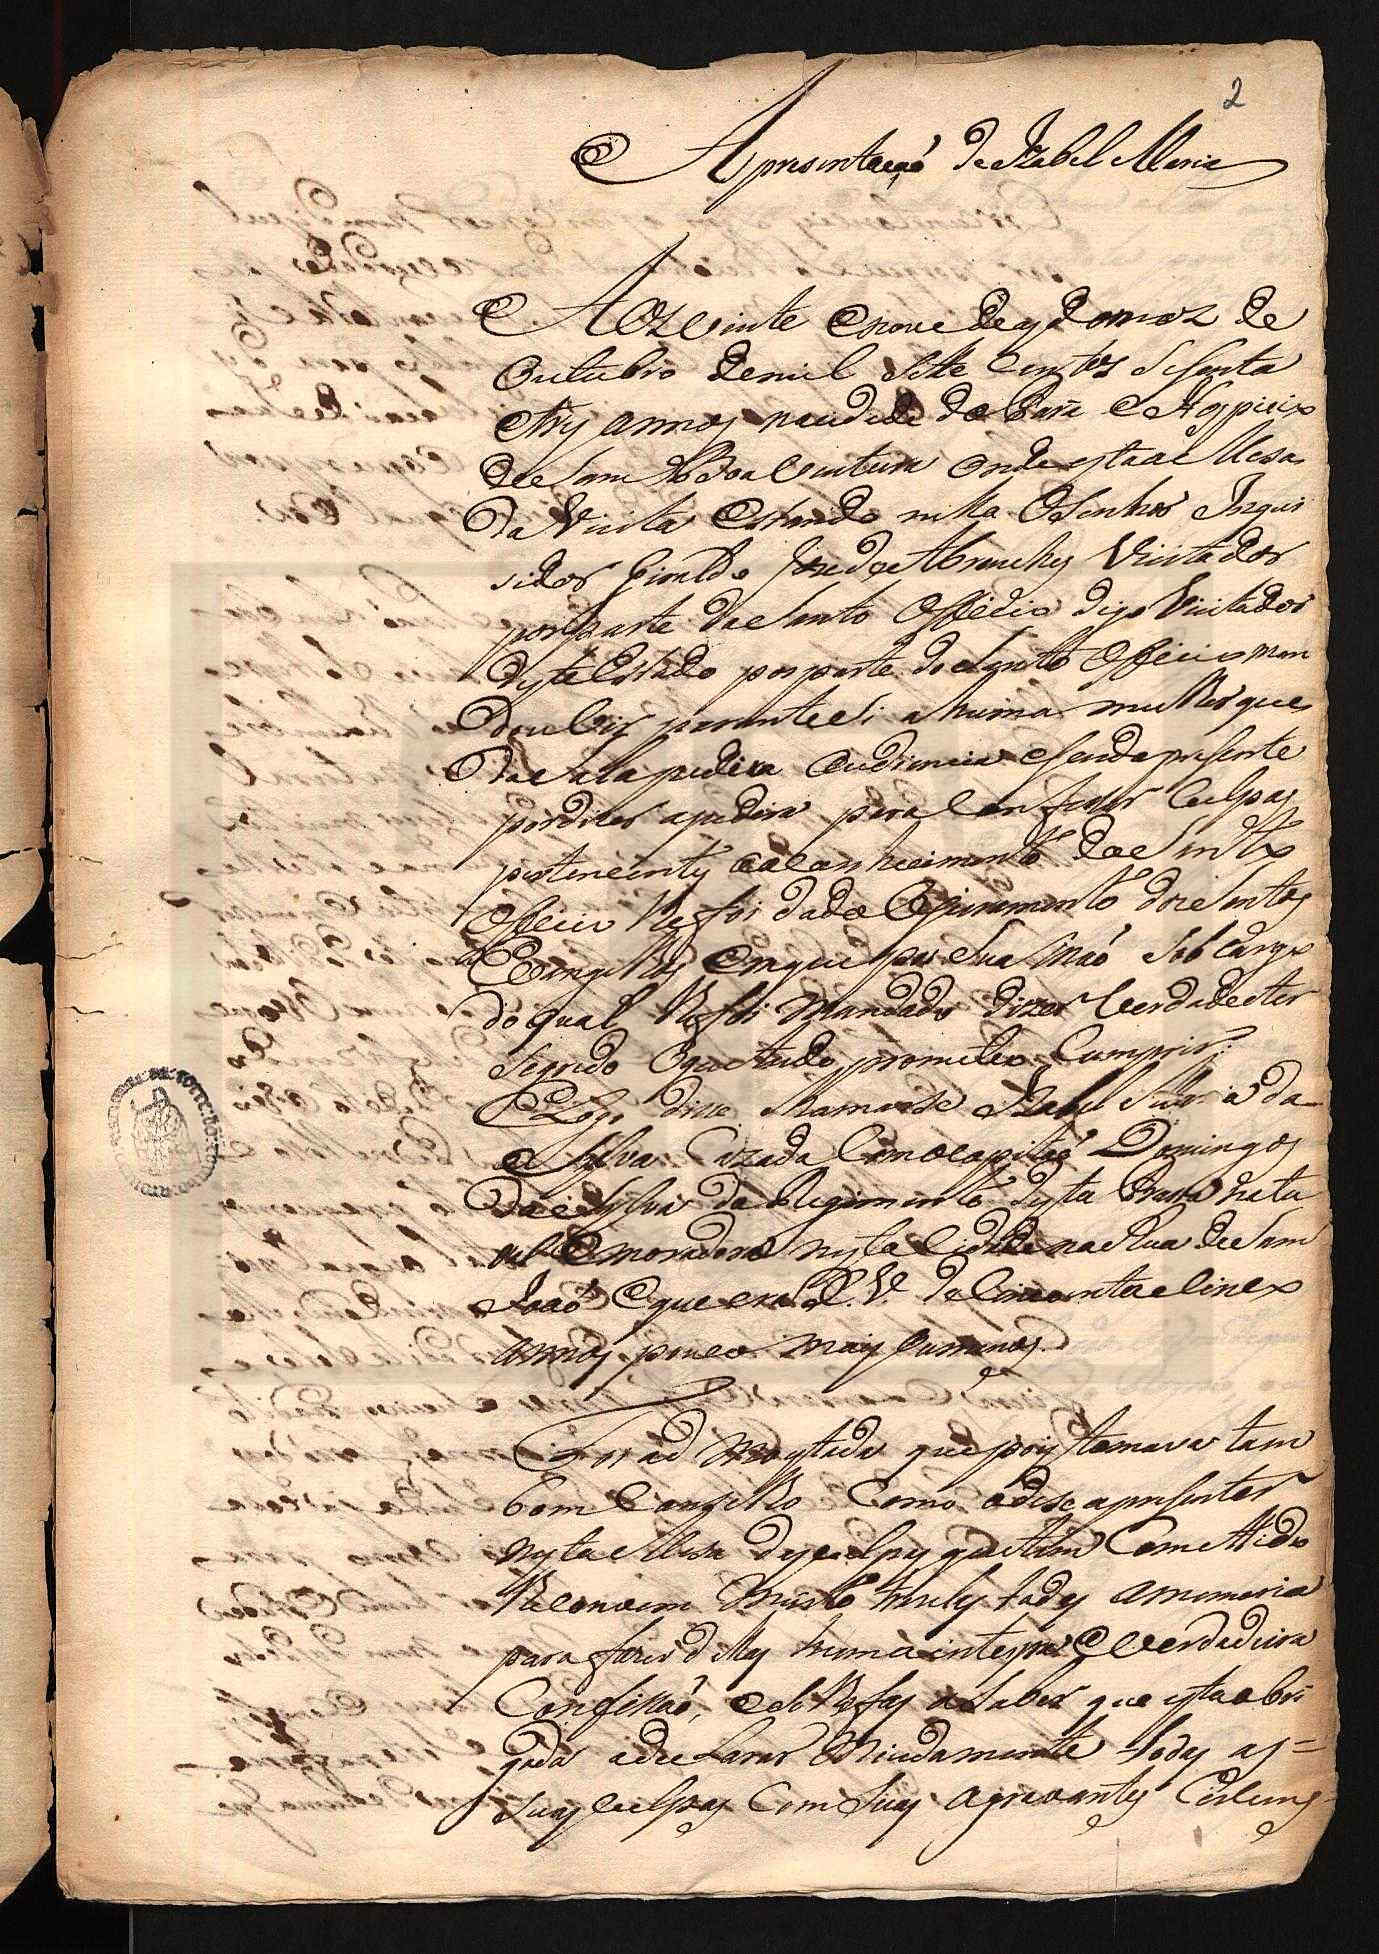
Apresentaçaõ de Izabel Maria
Aoz vinte e noue dias do mez de
Outubro de mil settecentos sesenta
e tres annos na cidade do Parà e Hospicio
de Sam Boaventura onde esta a Mesa
da Vizita estando nella O Senhor Inqui
sidor Giraldo Joze de Abranches Visitador
por parte do Santo Officio digo Visitador
deste Estado por parte do Santo Officio man
dou Vir perante si a huma mulher que
da sala pedira audiencia e sendo presente
por dizer a pedira para confessar Culpas
pertencentes ao conhecimento do Santo
Oficio lhe foi dado O juramento doz Santos
Evangelhos em que pos Sua maõ sobcargo
do qual lhe foi mandado dizer verdade e ter
segredo O que tudo prometeo Cumprir.
E Logo disse chamarse IZabel _____a da
Sylva Cazada Com o capitaõ Domingos
da Sylva do Regimento desta Prassa natu
ral e moradora nesta cidade na Rua de Sam
Ioaõ e que era X. V. de Cuarenta cinco
annos pouco mais ou menos.
Foi admoestada que pois tomava tam
bem Conselho como o dise apresentar
nesta Mesa desculpas que tem Comettido
lhe convem muito trazelas todas a memoria
para fazer dellas huma inteyra e verdadeira
Confissaõ, e se lhe fas a Saber que esta obri
gada a decLarar miudamente todas as
suas culpas Com Suas agravantes Circuns
